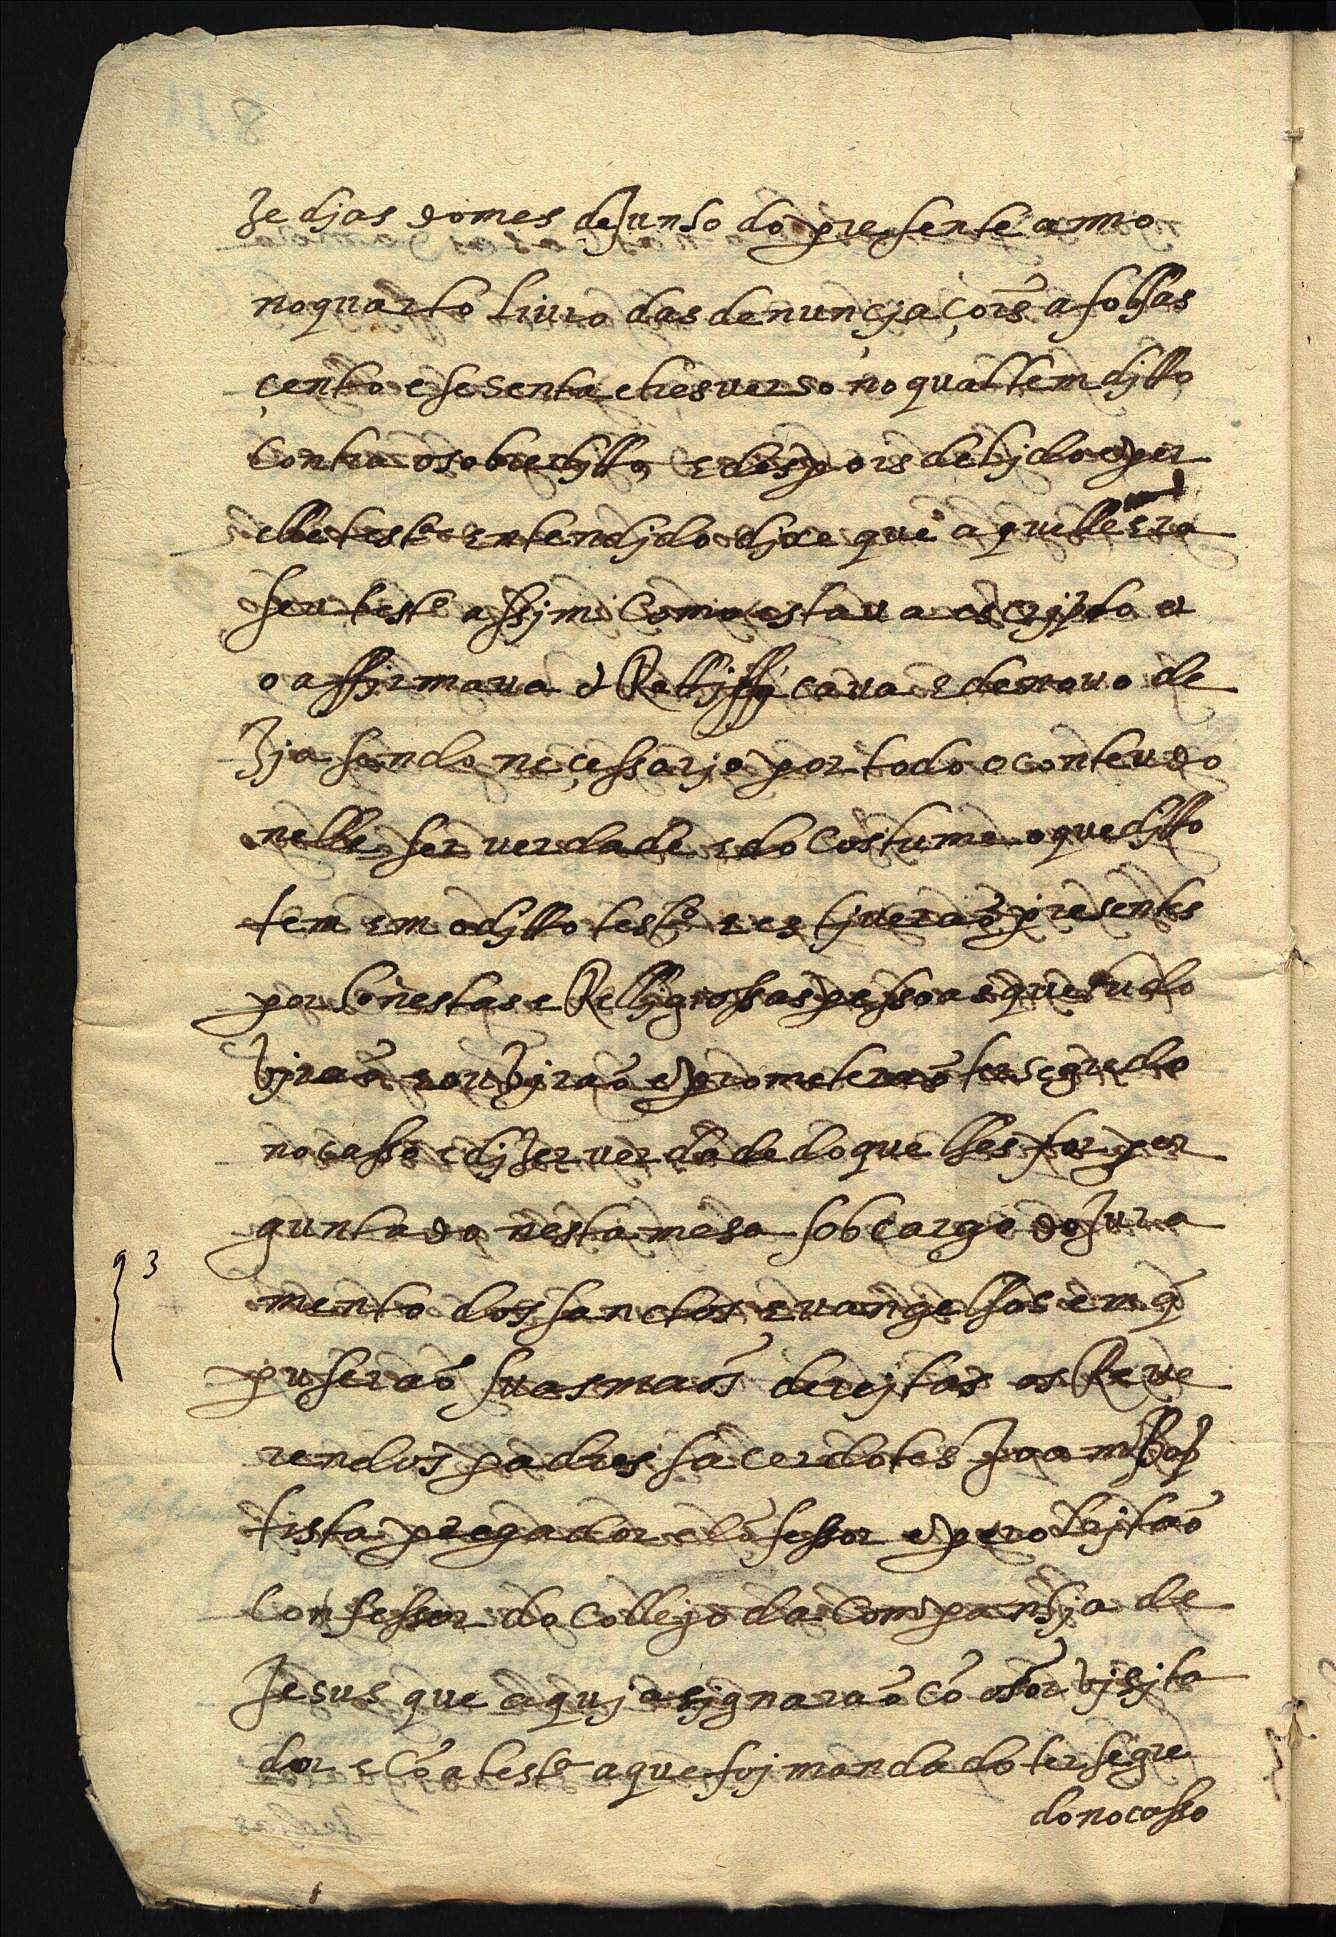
ze djas domes de Junho do presente anno
no quarto Livro das denuncjaçois a folhas
çento e ssenta e três verso no qual tem djtto
contra osobredjtto, e despois de ljdo per
elle test.a entendido dixe que aquelle era
seu test.o assjm como estava escrjto e
o affirmava e Rattjffjcava e de novo de
zja sendo neçessario por todo o conteudo
nelle ser verdade e do costume o que djtto
tem em o djtto test.o e estiveraõ presentes
por honestas e Relljgiossas pessoas que tudo
vjraõ e ouvjraõ e prometeraõ ter segredo
no casso e djzer verdade do que lhes for per
guntado nesta mesa sob cargo do Jura
mento dos Sanctos evangelhos em q̄
puseeraõ suas mãos derejtas os Reve
rendos padres Sacerdotes Joam Bap
tista pregador e cõfessor e pero Leitaõ
cõfessor do Collejo da Companhja de
Jesus que aquj asignaraõ cõ o Sõr Vjsjta
dor e cõ a test.a a que foj mandado ter segre
do no casso
